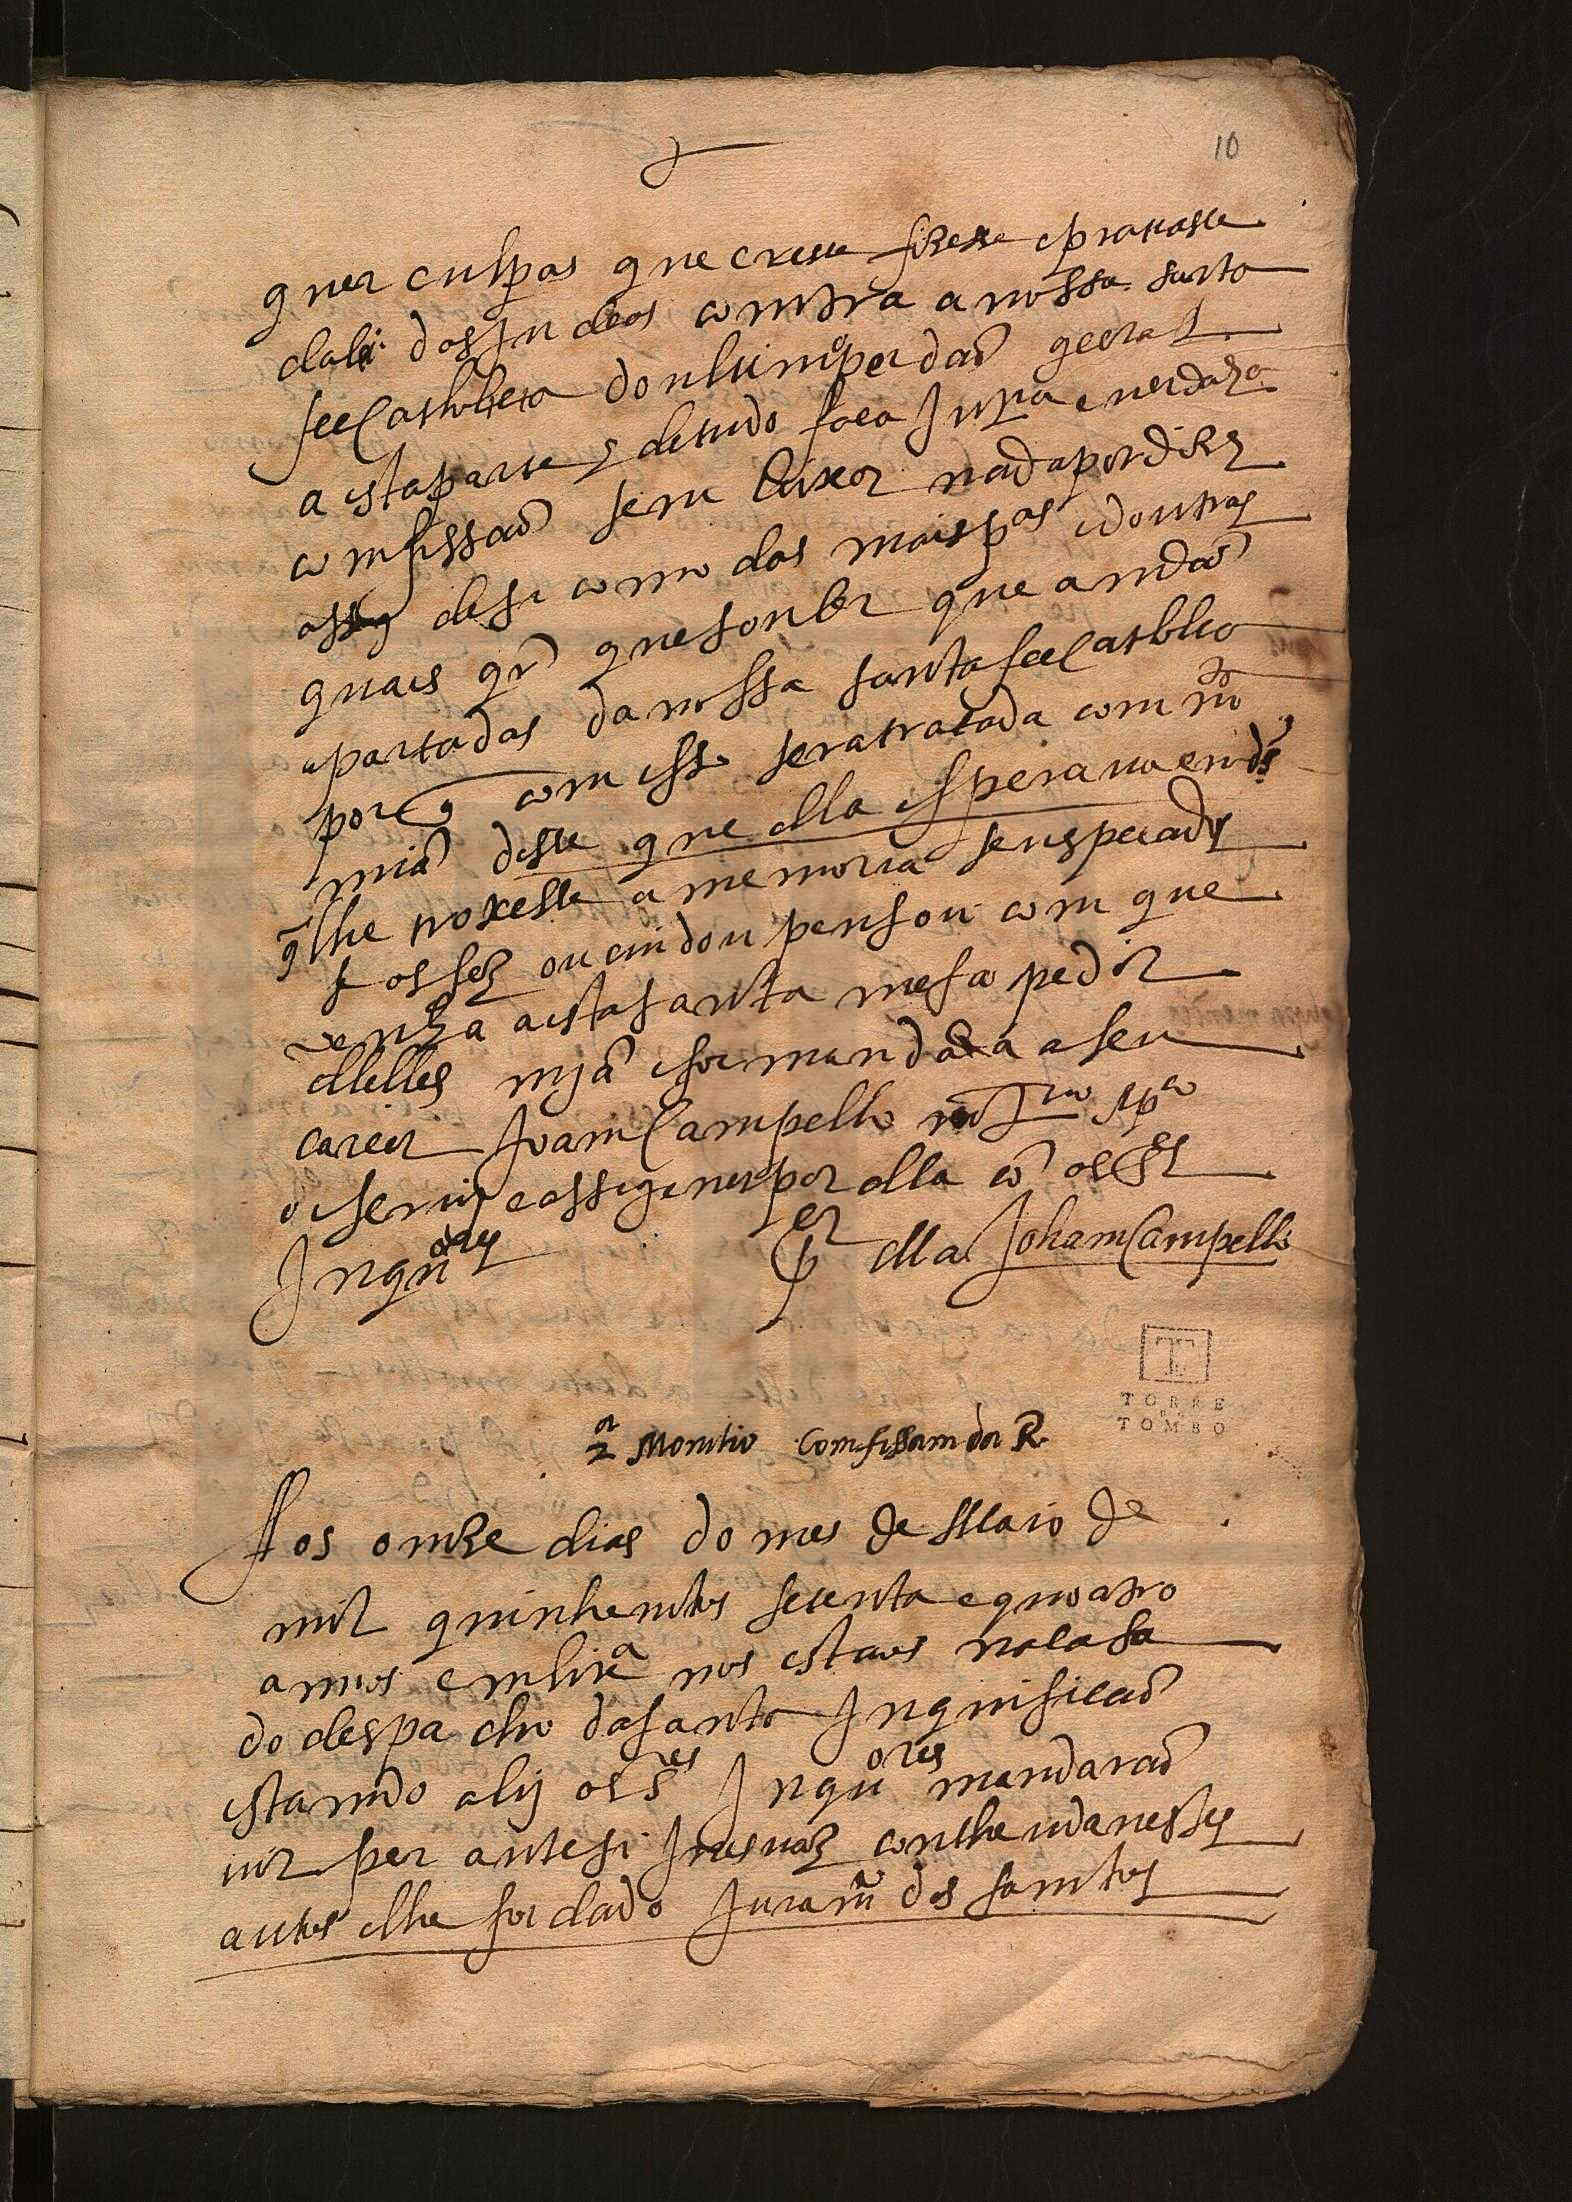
quer culpas que cresse fizesse e prouasse
da lei dos Judeos comtra a nossa santa
fee Catholica do ultimo perdaõ geeraL
a esta parte E de tudo faca Justia e uerdadra
comfissaõ sem leixar nada por diser
assy de si como das mais pas e doutras
quais qr̅ que souber que andaõ
apartadas da nossa santa fee Catholca
porq̅ com isso sera tratada com mta
mia̅ disse que ella esperaua em ds̄
q̅ lhe troxesse a memoria seus pecados
se os fez ou cuidou pensou com que
venha a esta santa mesa pedir
dlelles mja̅ e foi mandada a seu
carcer Joam Campello notrio Apco
o escruj e assigenei por ella co̅ os ses
Jnquores
p̄or ella Joam Campello
2ª Monitio Comfissam da R.
Aos omze dias do mes de Maio de
miL quinhemtos sesenta e quoatro
annos em lixa nos estaos na casa
do despacho da santa Jnquisicaõ
estamdo ahj os sres Jnquores mandaraõ
uir perante si Jnes uaz contheuda nestes
autos e lhe foi dado Juramto dos samtos
